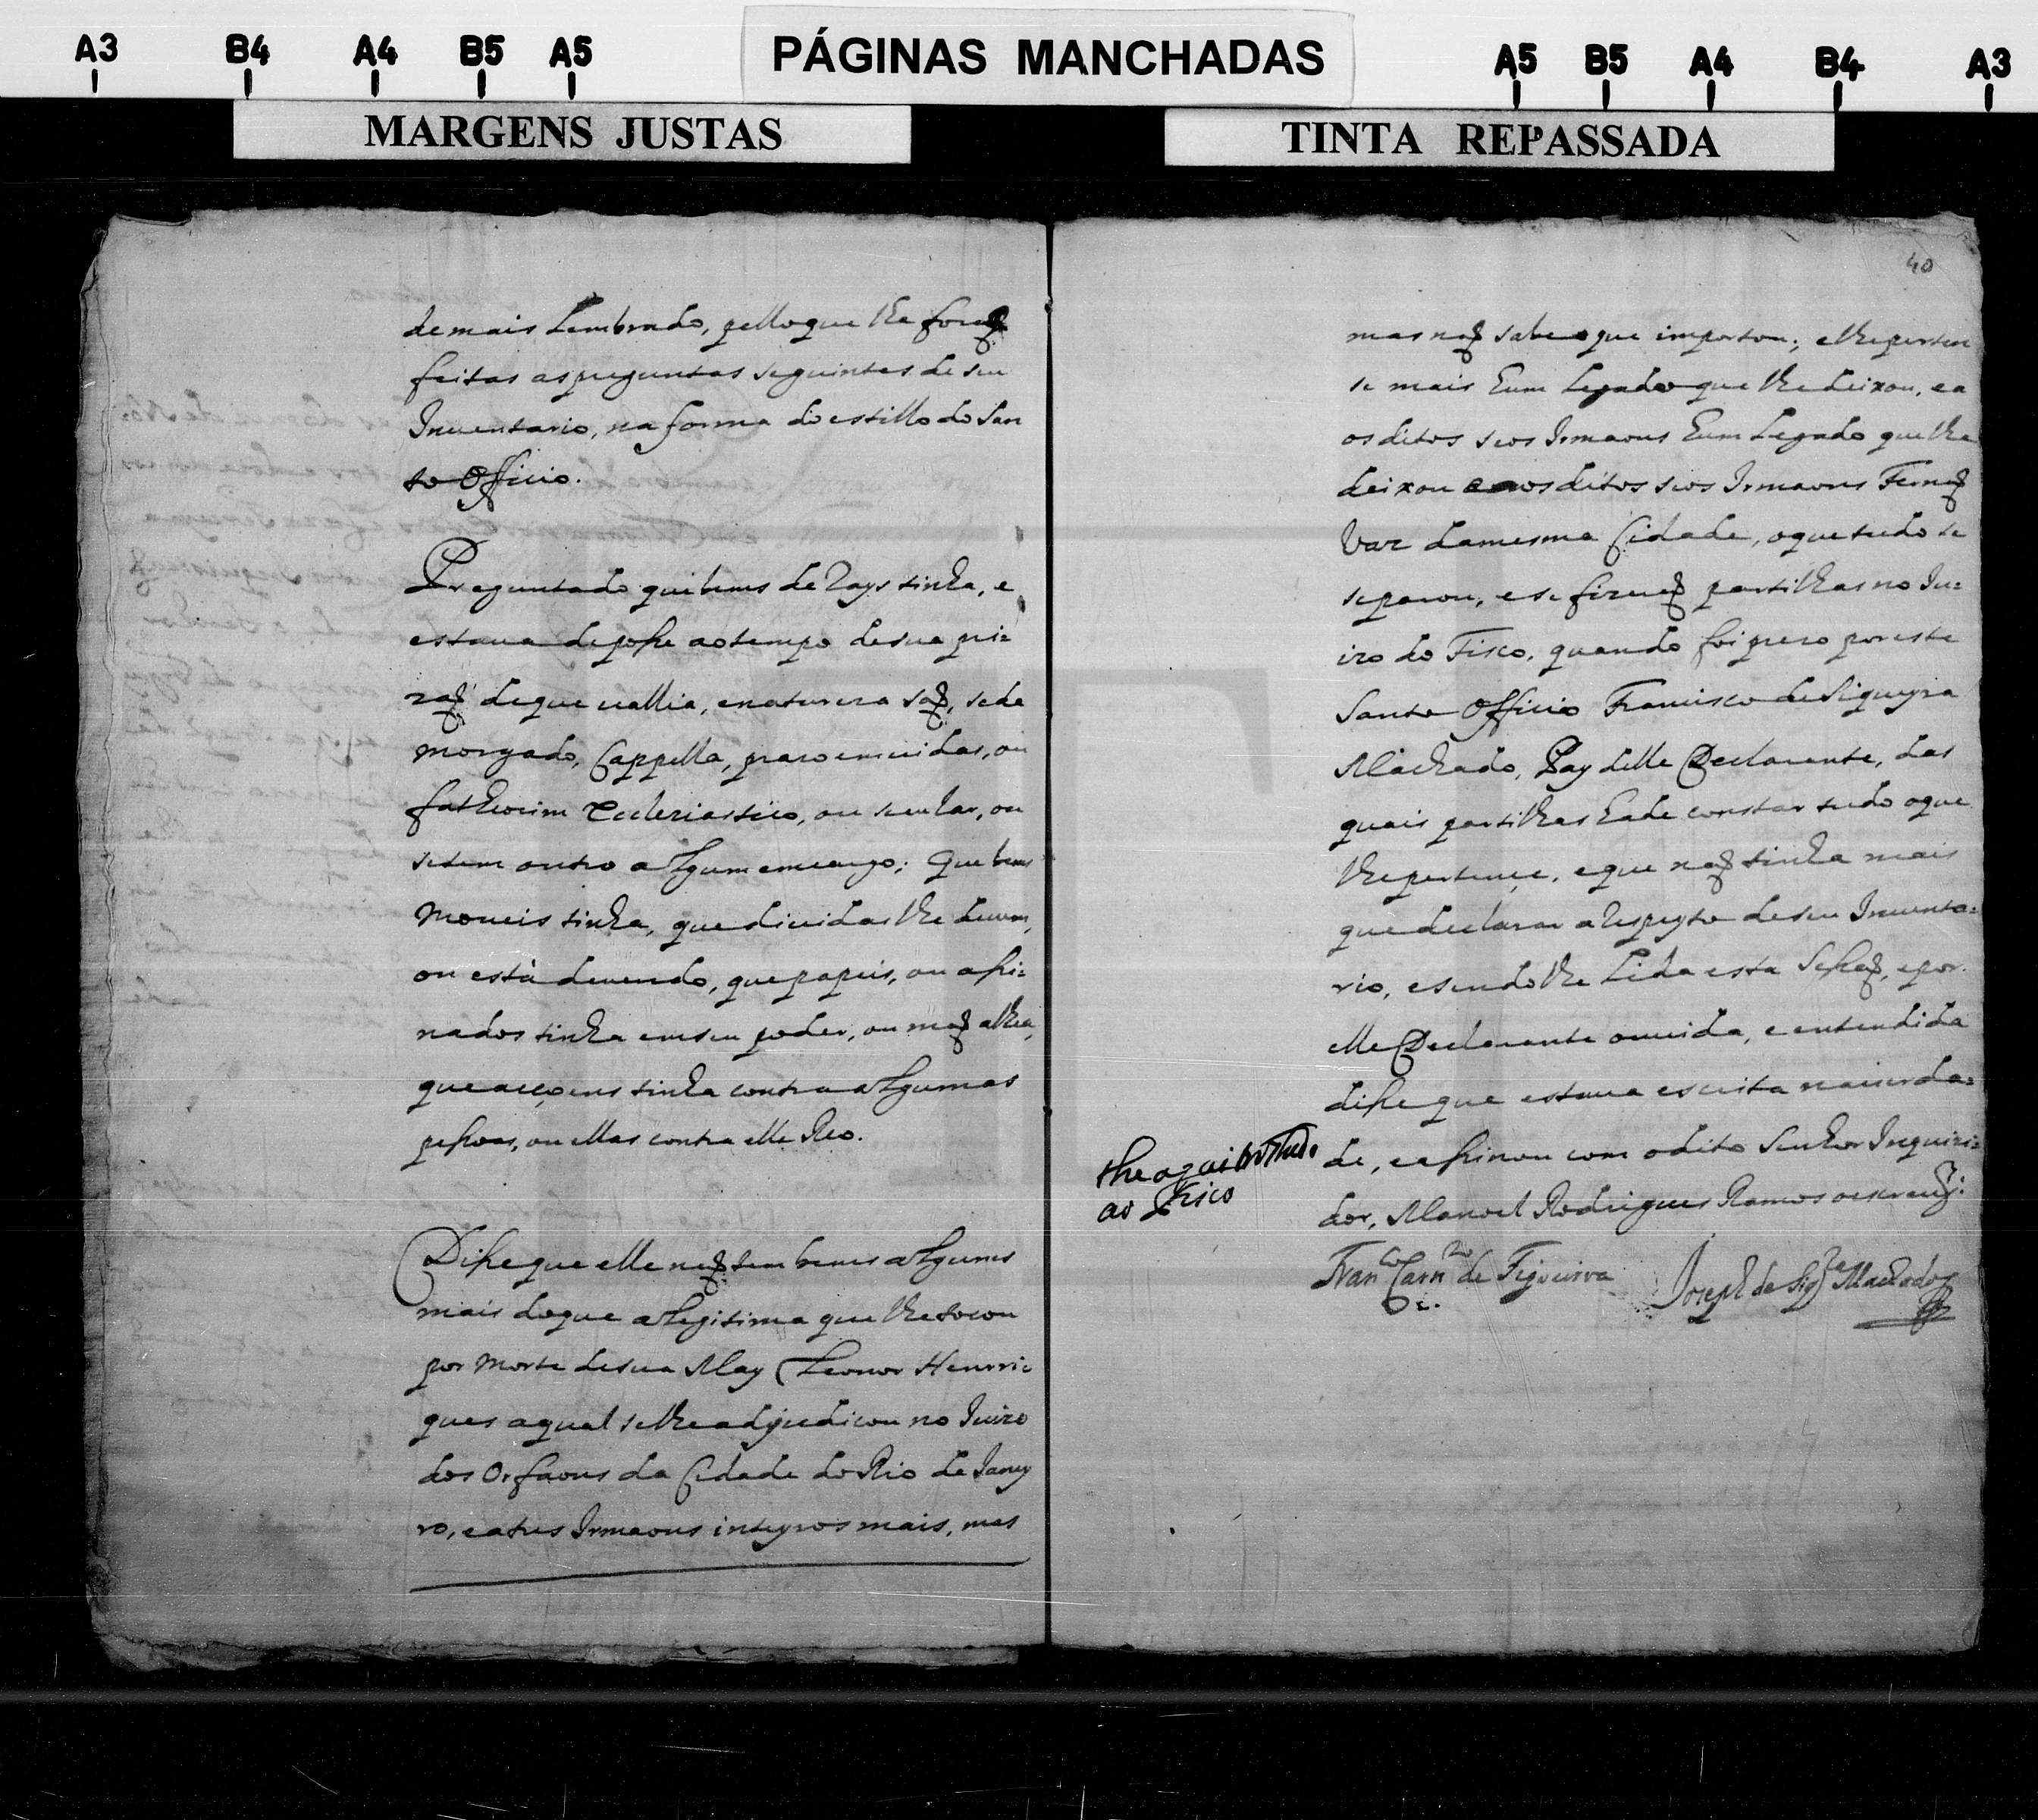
de mais Lembrado, pello que lhe foraõ
feitas as preguntas seguintes de seu
Inuentario, na forma do estillo do san
to officio.
Preguntado que bems de Rays tinha, e
estaua de posse ao tempo de sua pri
zaõ de que uallia, e natureza saõ se de
morgado, Cappella, prazo em uidas, ou
fatheozim Eccleziastico, ou secular, ou
se tem outro algum emcargo; Que bems
moueis tinha, que diuida lhe deuian
ou està deuendo, que papeis, ou assi
nados tinha em seu poder, ou maõ alhea,
que acçoens tinha contra algumas
pessoas, ou ellas contra elle Reo.
Disse que elle naõ tem bems algums
mais do que a Legitima que lhe tocou
por morte de sua May Leonor Henrri
ques a qual se lhe adjudicou no Iuizo
dos Orfaons da Cidade do Rio de Ianey
ro, e a tres Irmaons inteyros mais, mas
mas naõ sabe o que importou; e lhe perten
se mais hum Legado que lhe deixou, e a
os ditos seos Irmaons hum Legado que lhe
deixou e aos ditos seos Irmaons Fernaõ
Vaz da mesma Cidade, o que tudo se
separou, e se fizeraõ partilhas no Iui
izo do Fisco, quando foi prezo por este
santo officio Francisco de siqueyra
Machado, Pay delle Declarante, das
quais partilhas ha de constar tudo o que
lhe pertence, e que naõ tinha mais
que declarar a Respeyto de seu Inuenta
rio, e sendolhe Lida esta sessaõ, e por
elle Declarante ouuida, e entendida
disse que estaua escrita na uerda
de, e assinou com o dito Senhor Inquizi
dor, Manoel Rodrigues Ramos o escreuj.
Franco Carnro de Figueira
Iozeph de Siq.ra Machado
the aqui treslado
ao Fisco
